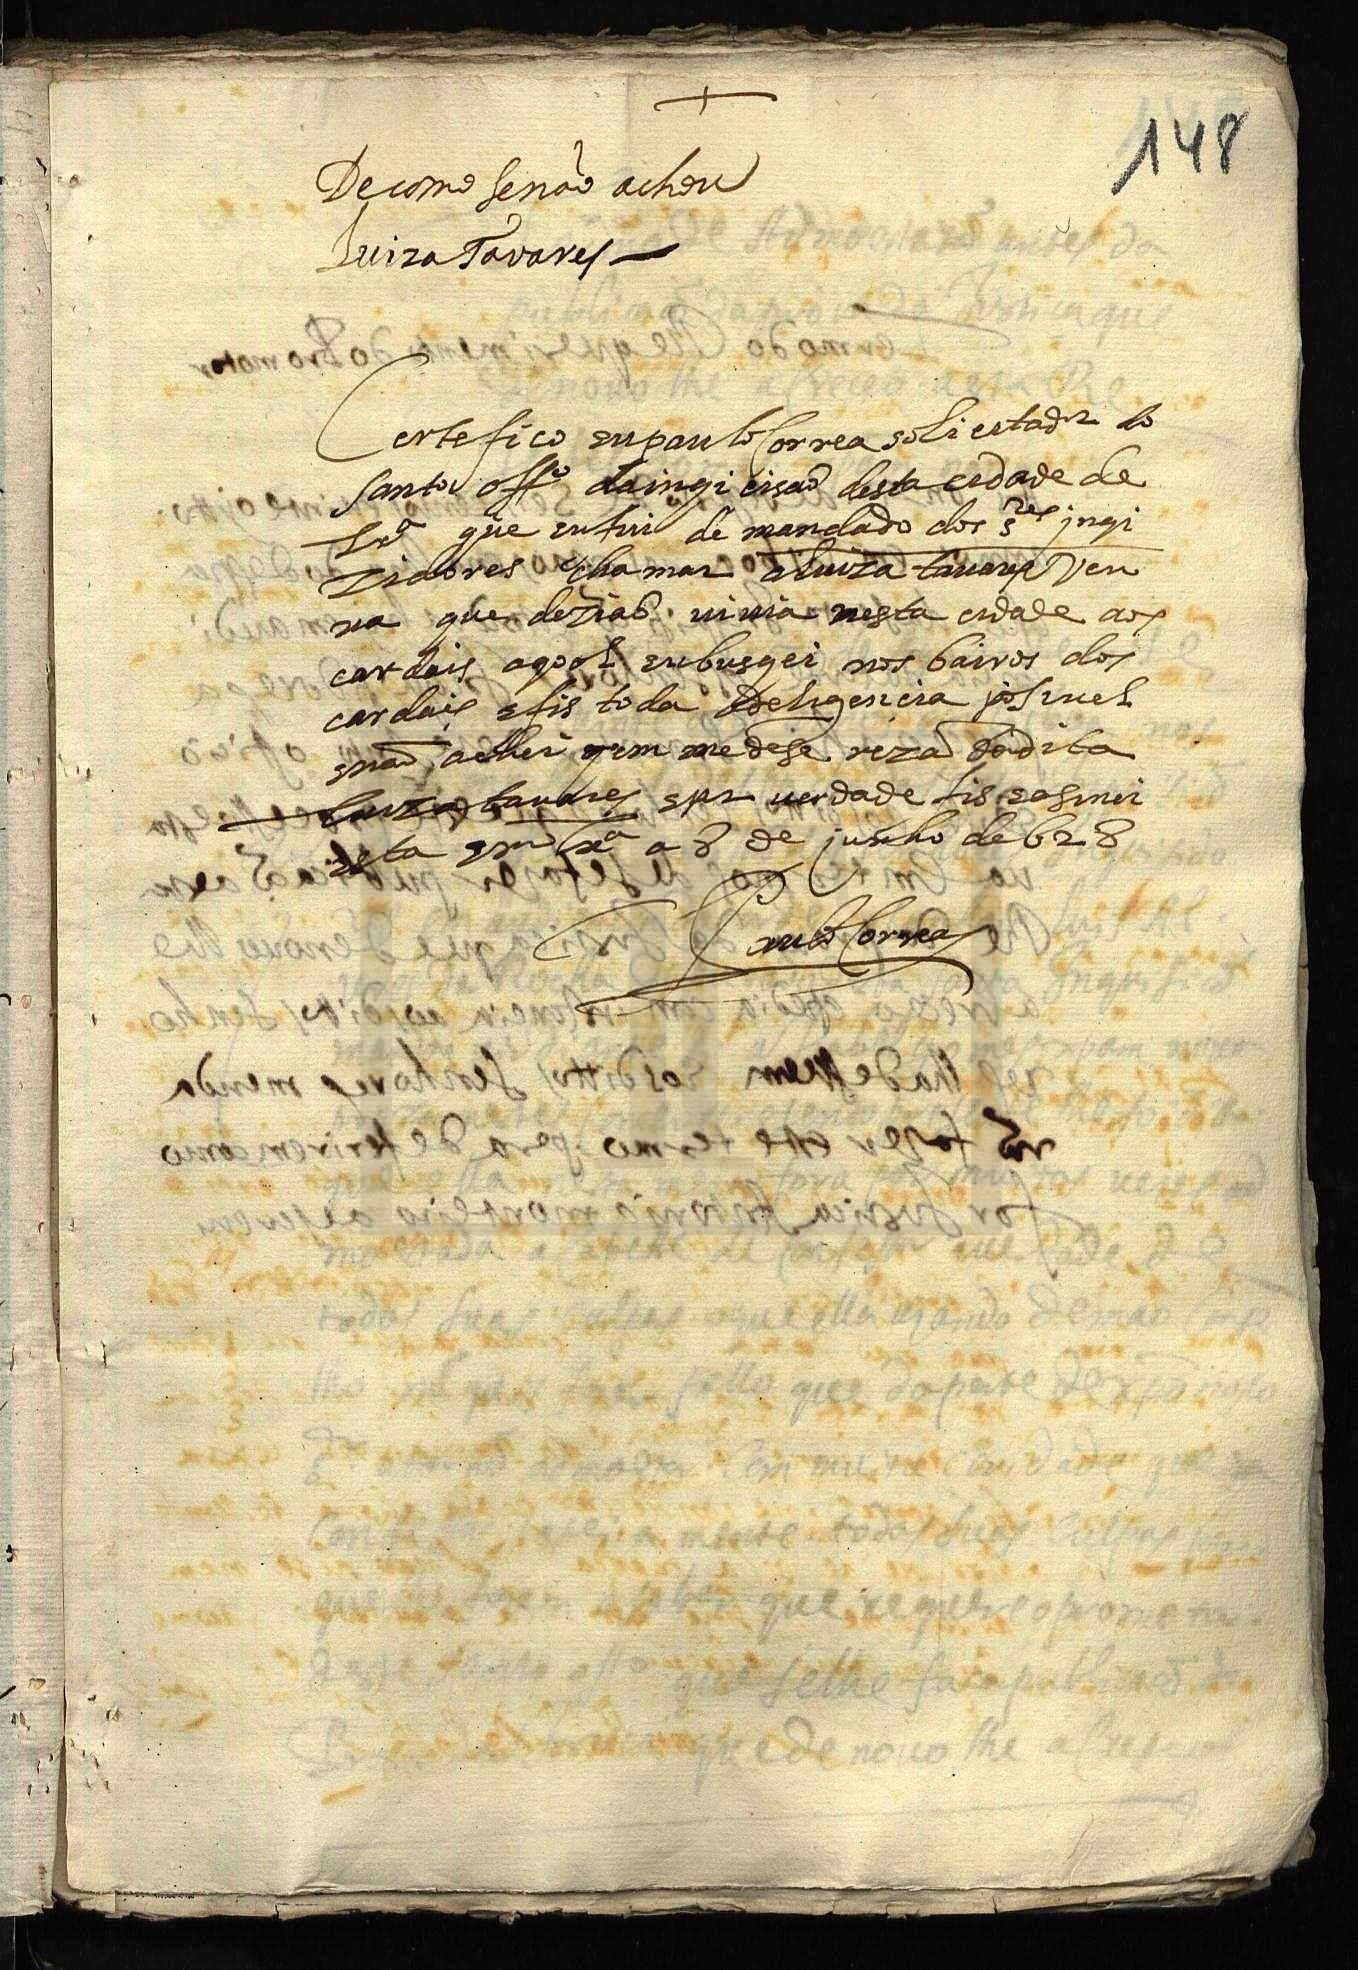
De como se naõ achou
Luiza Tavares -
Certefico Eu paulo Correa solicitador do
Santo offo da inqicisaõ desta cidade de
Lx.a que Eu fui de mandado dos sres jnqi
Zidores chamar a Luiza tauares Veu
ua que deziaõ uiuia nesta cidade aos
cardais a qoal Eu busqei nos bairos dos
cardais E fis toda a deligencia posiuel
E naõ achei qem me dese rezā da dita
luiza tauares E por uerdade fis E asinei
Esta Em lxa a 8 de junho de 628
Paulo Correa
